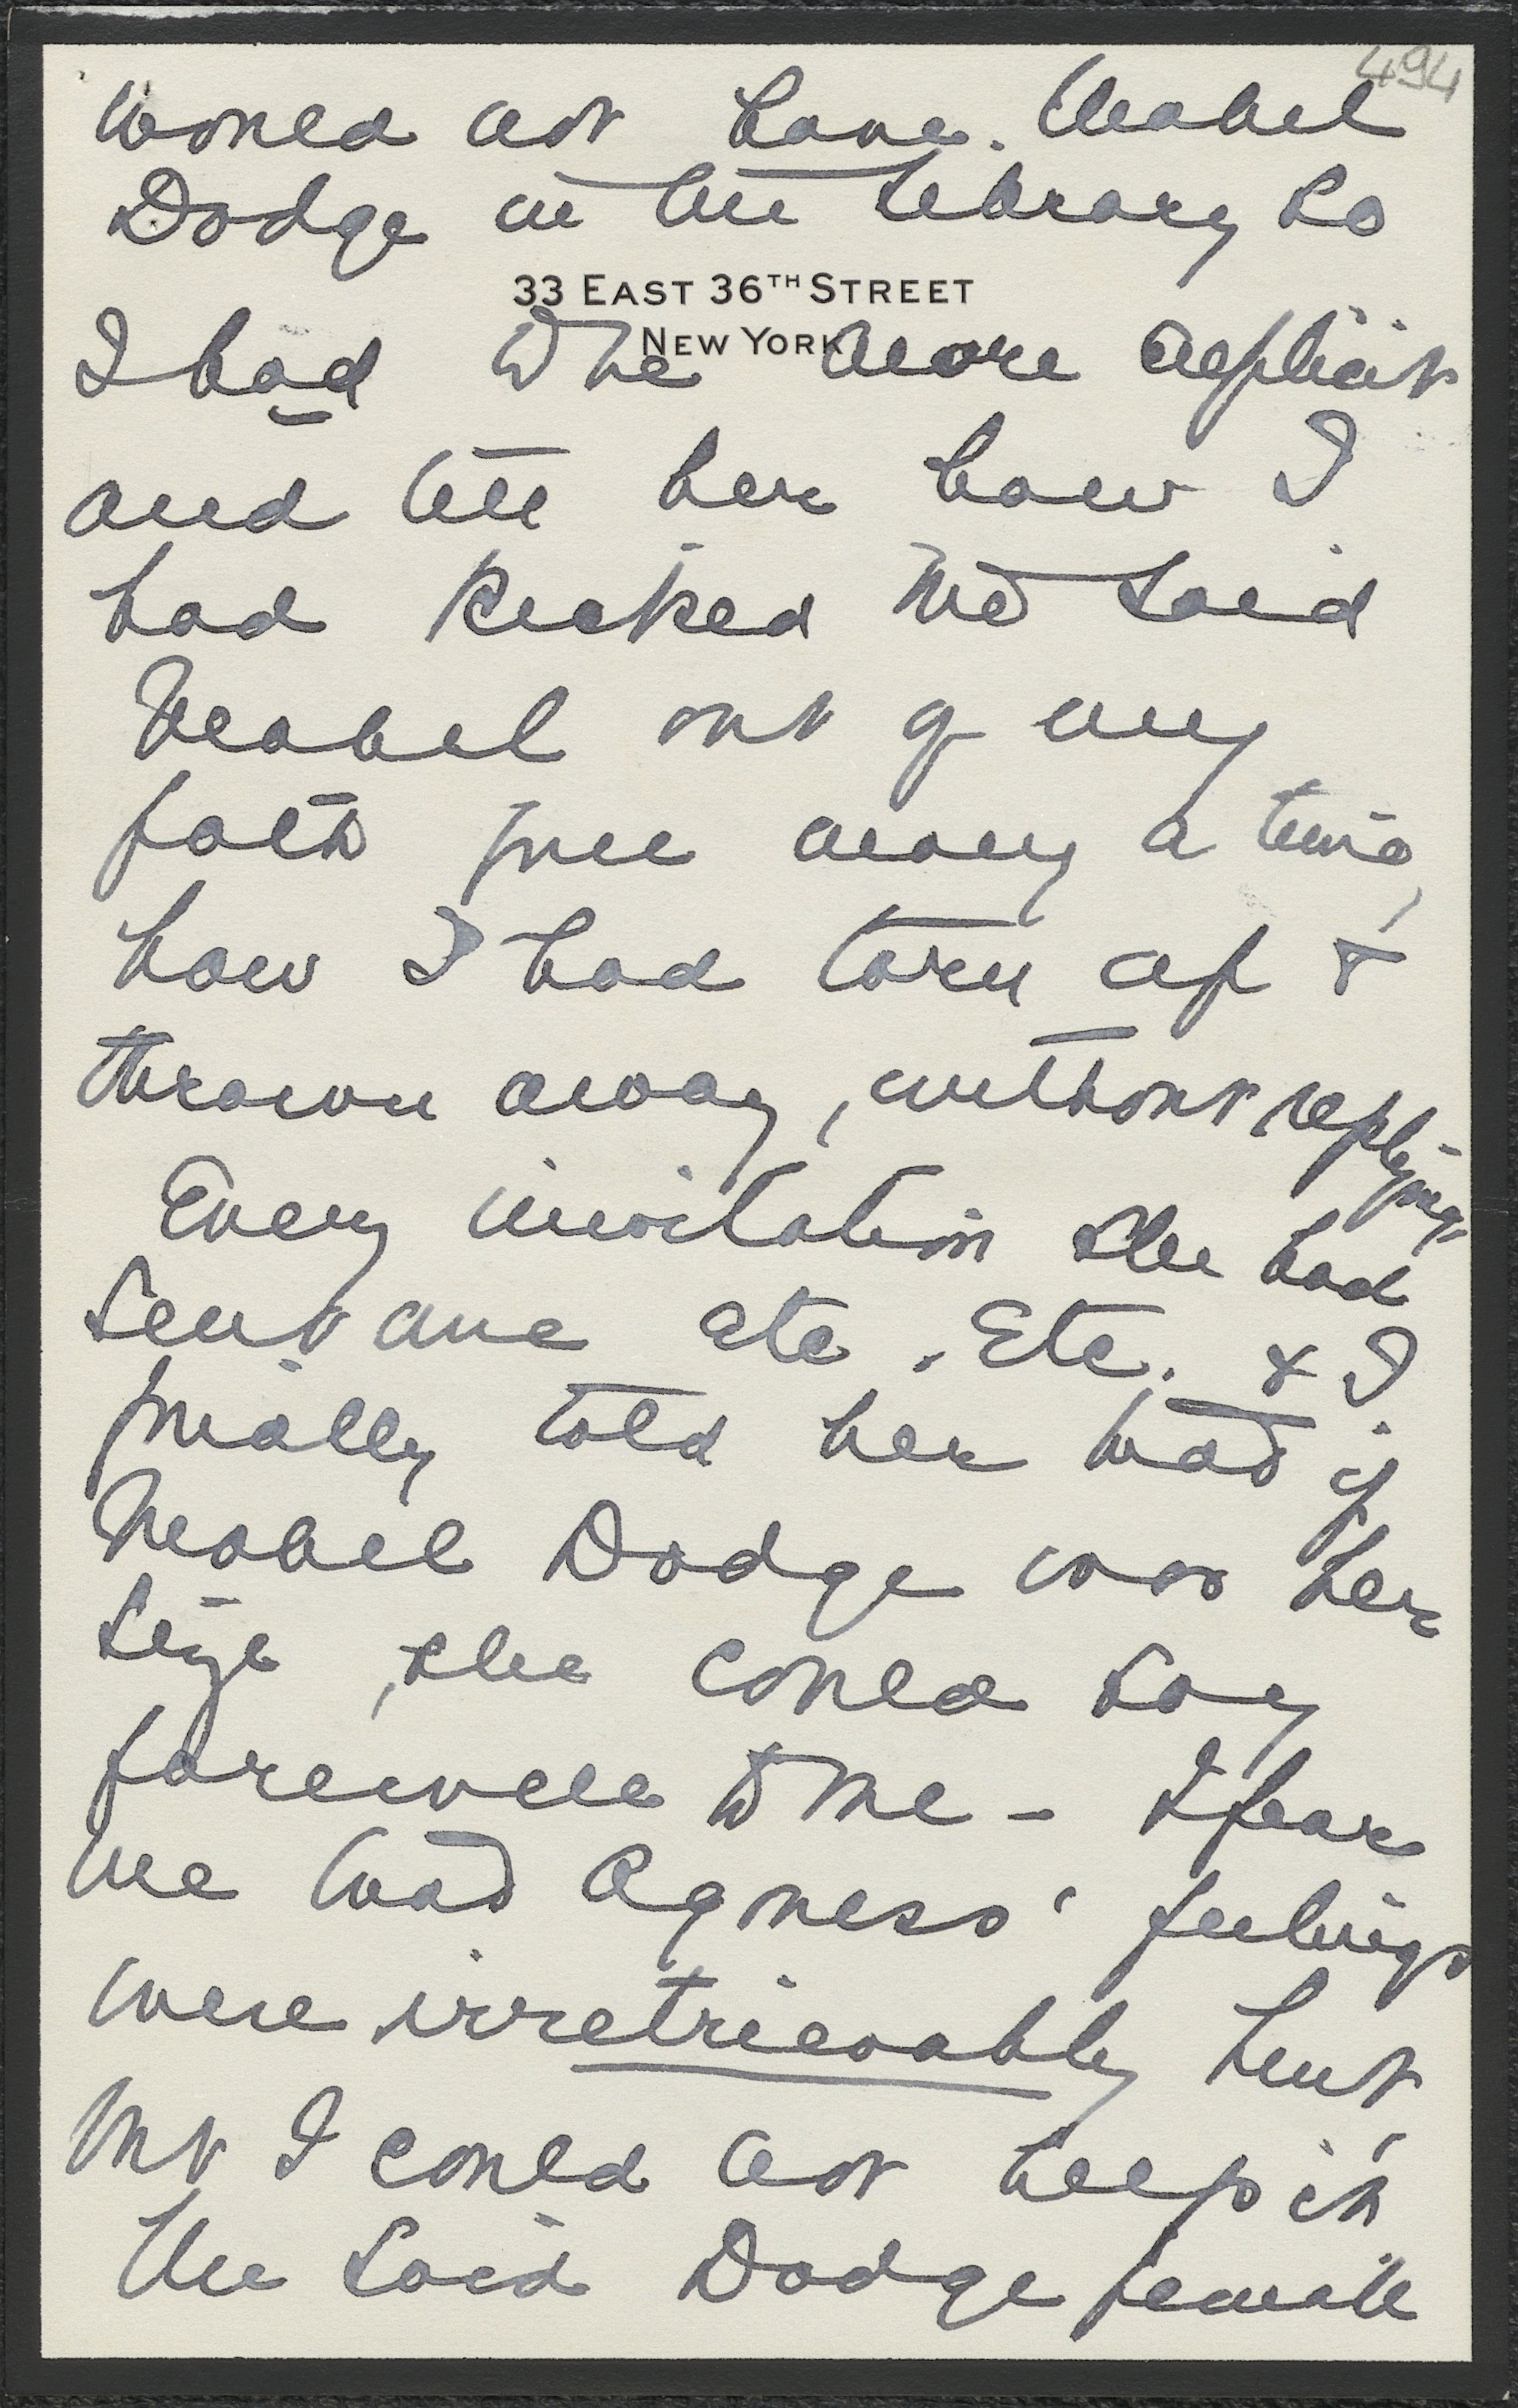would not have Mabel Dodge in the Library so I had to be more explicit and tell her how I had kicked the said Mabel out of my path full many a time, how I had torn up & thrown away, without replying, every invitation she had sent me etc, etc. & I finally told her that if Mabel Dodge was her size, she could say farewell to me – I fear me that Agoness’ feelings were irretrievably hurt but I could not help it She said Dodge female